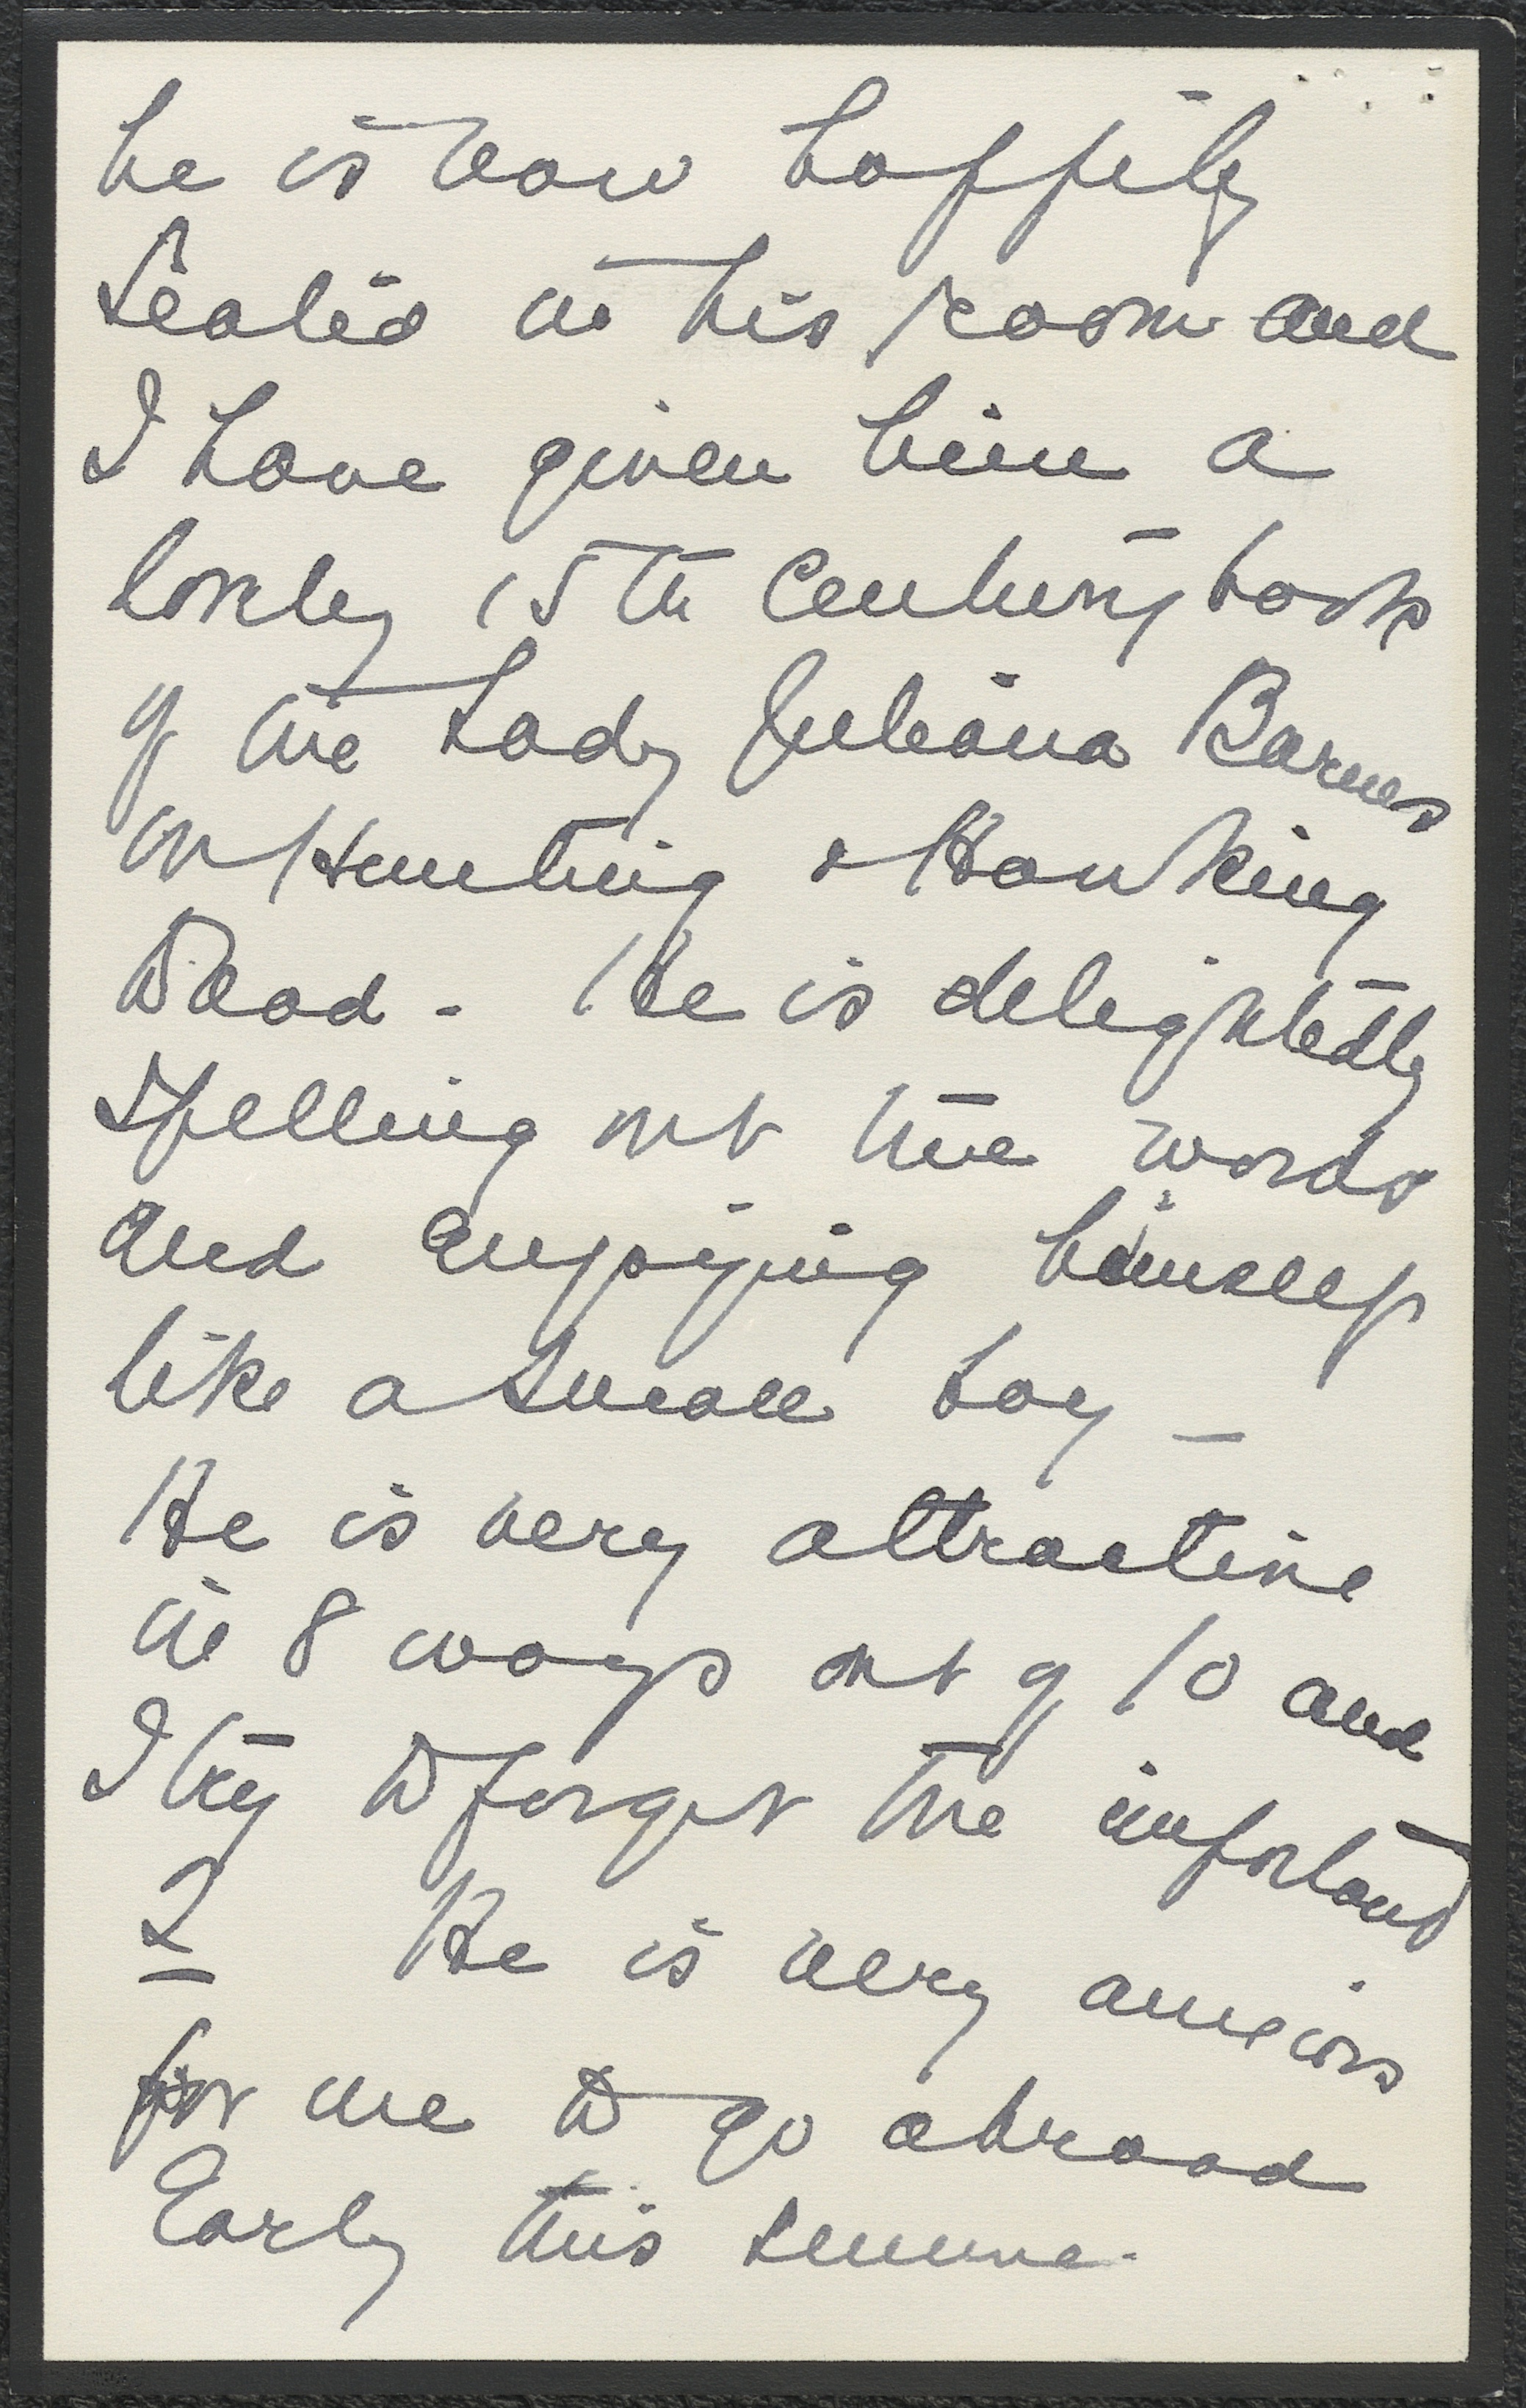he is now happily seated in his room and I have given him a lovely 15th century book of the Lady Juliana Barnes on Hunting & Hawking to read – he is delightedly spelling out the words and enjoying himself like a small boy – He is very attractive in 8 ways out of 10 and I try to forget the important 2 He is very anxious for me to go abroad Early this summer